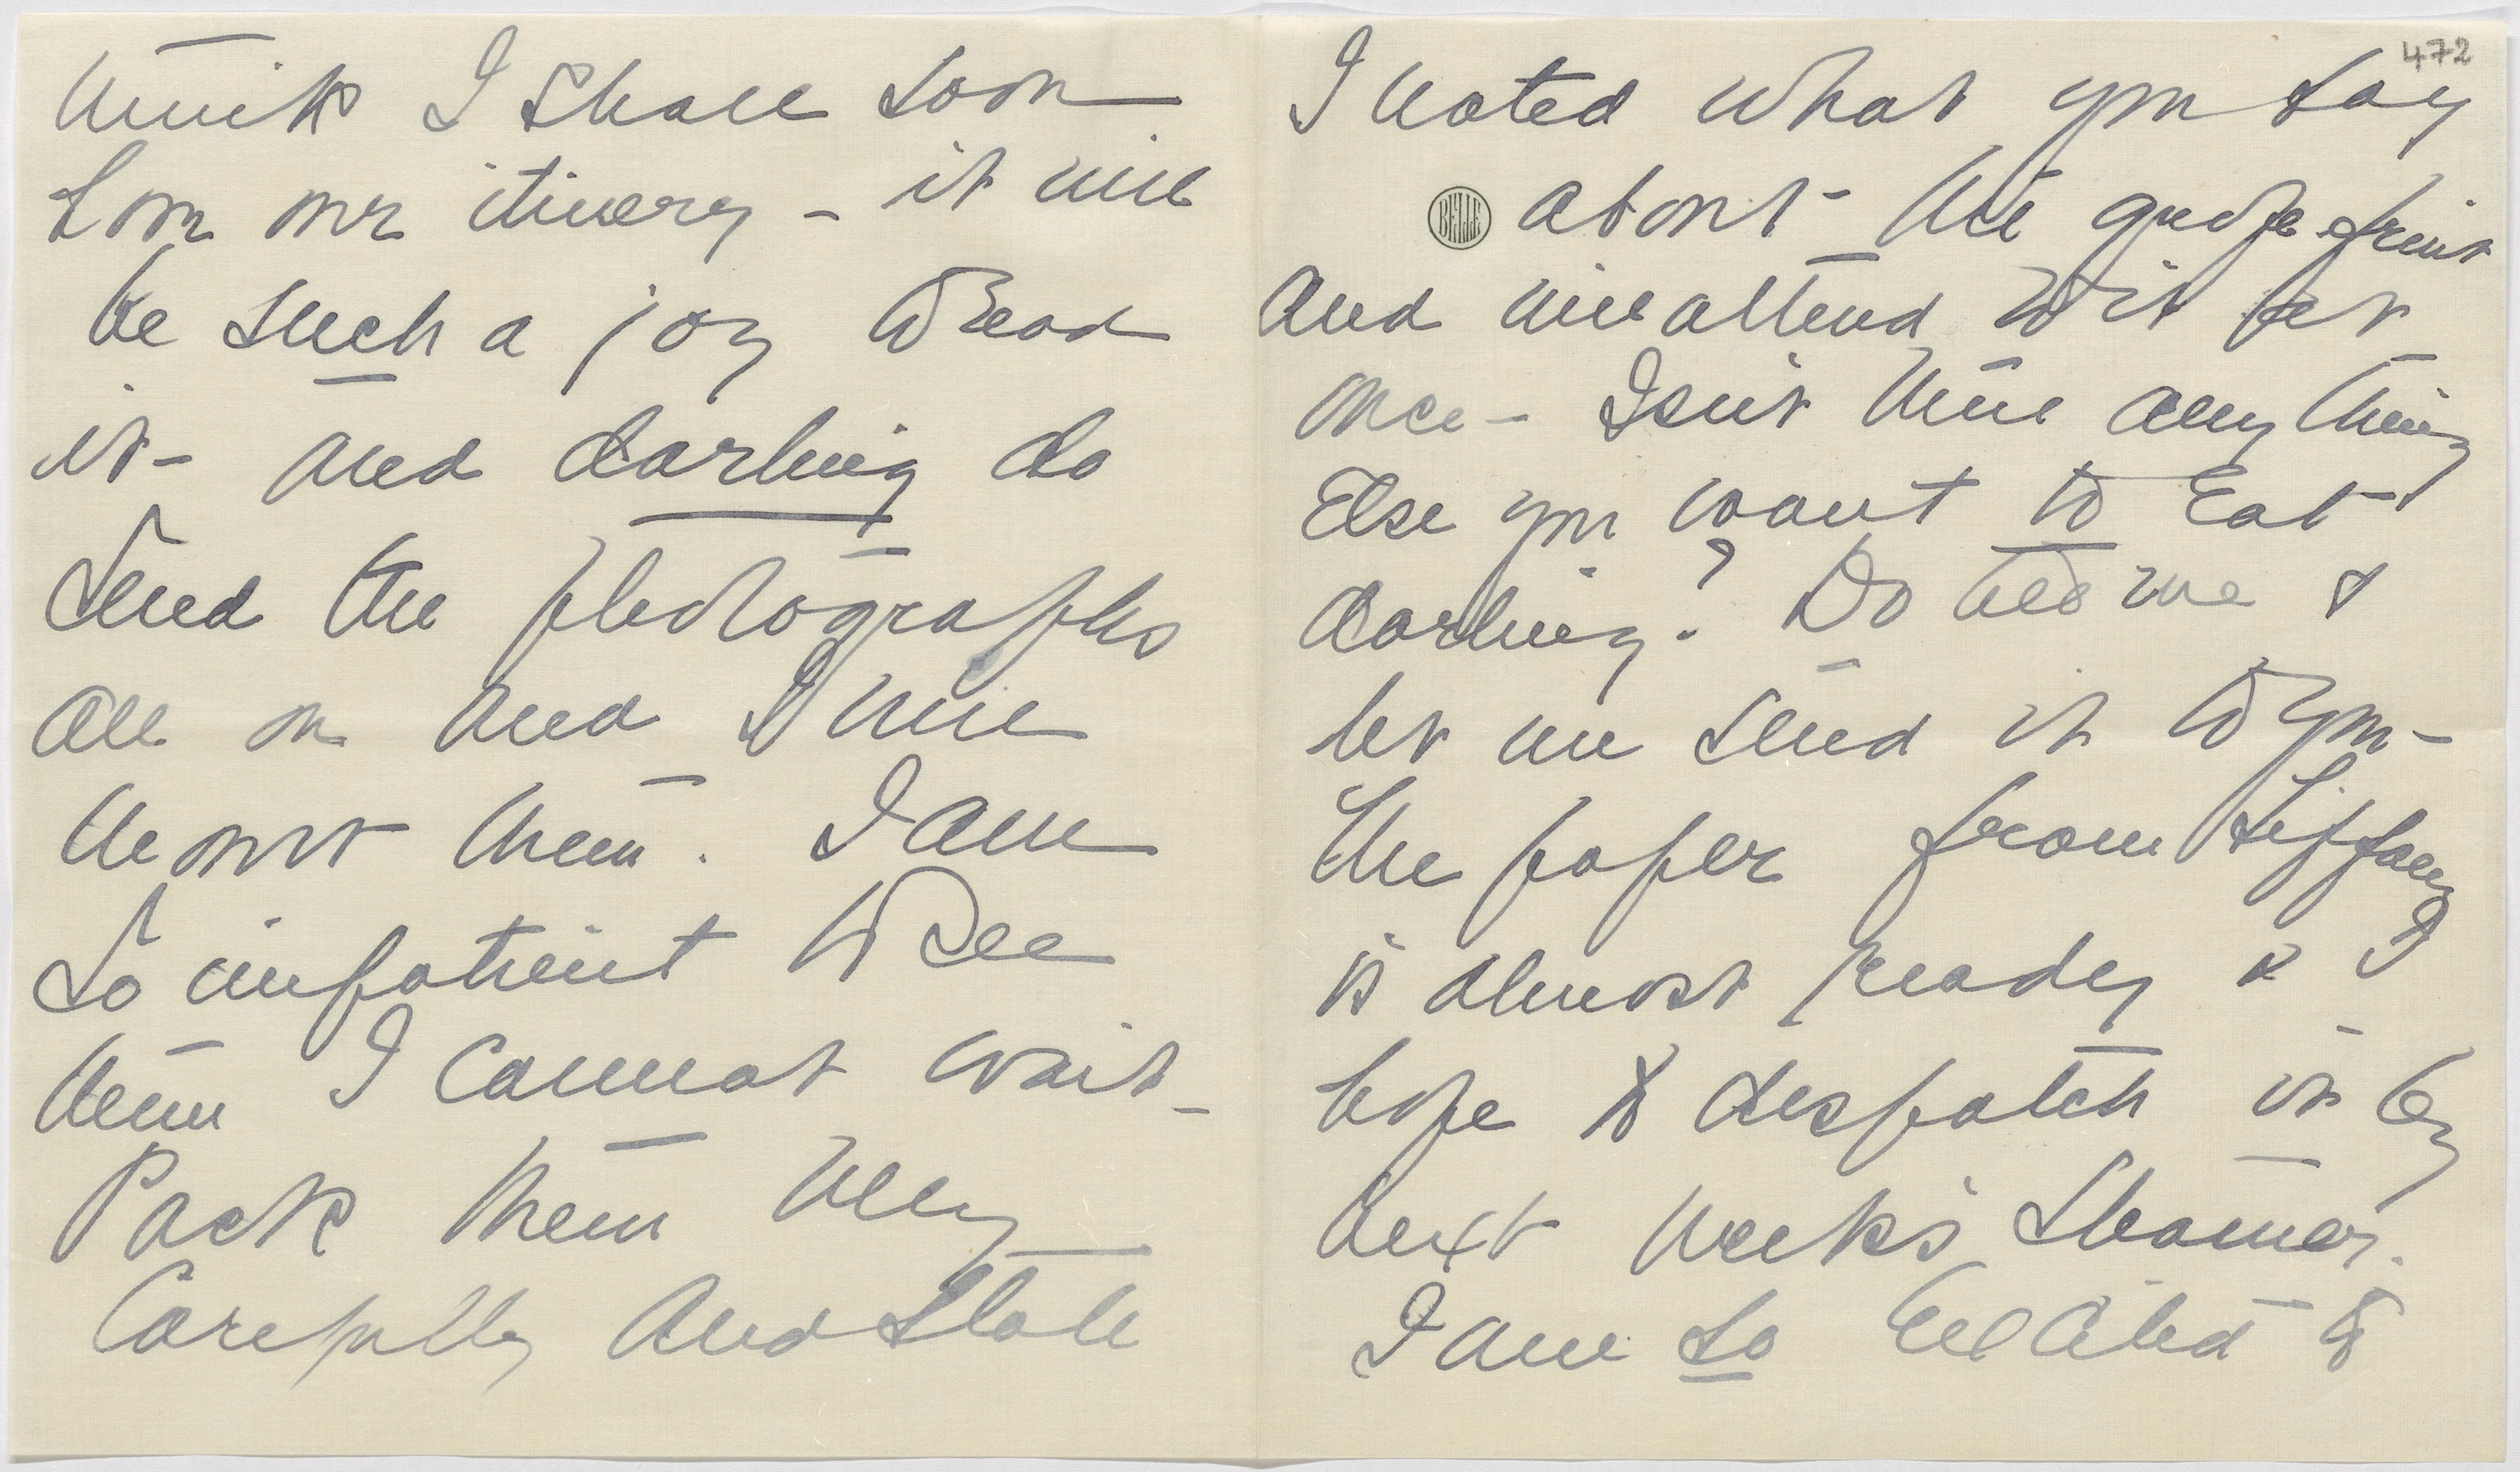I noted what you say about the grape fruit and will attend to it at once – Isn’t there any thing else you want to eat darling? Do tell me & let me send it to you – The paper from Tiffany is almost ready & I hope to dispatch it by next week’s steamer.
I am so excited to
think I shall soon have our itinery [sic] – it will be such a joy to read it – and darling do send the photographs all on and I will mount them. I am so impatient to see them I cannot wait – Pack them very carefully and state